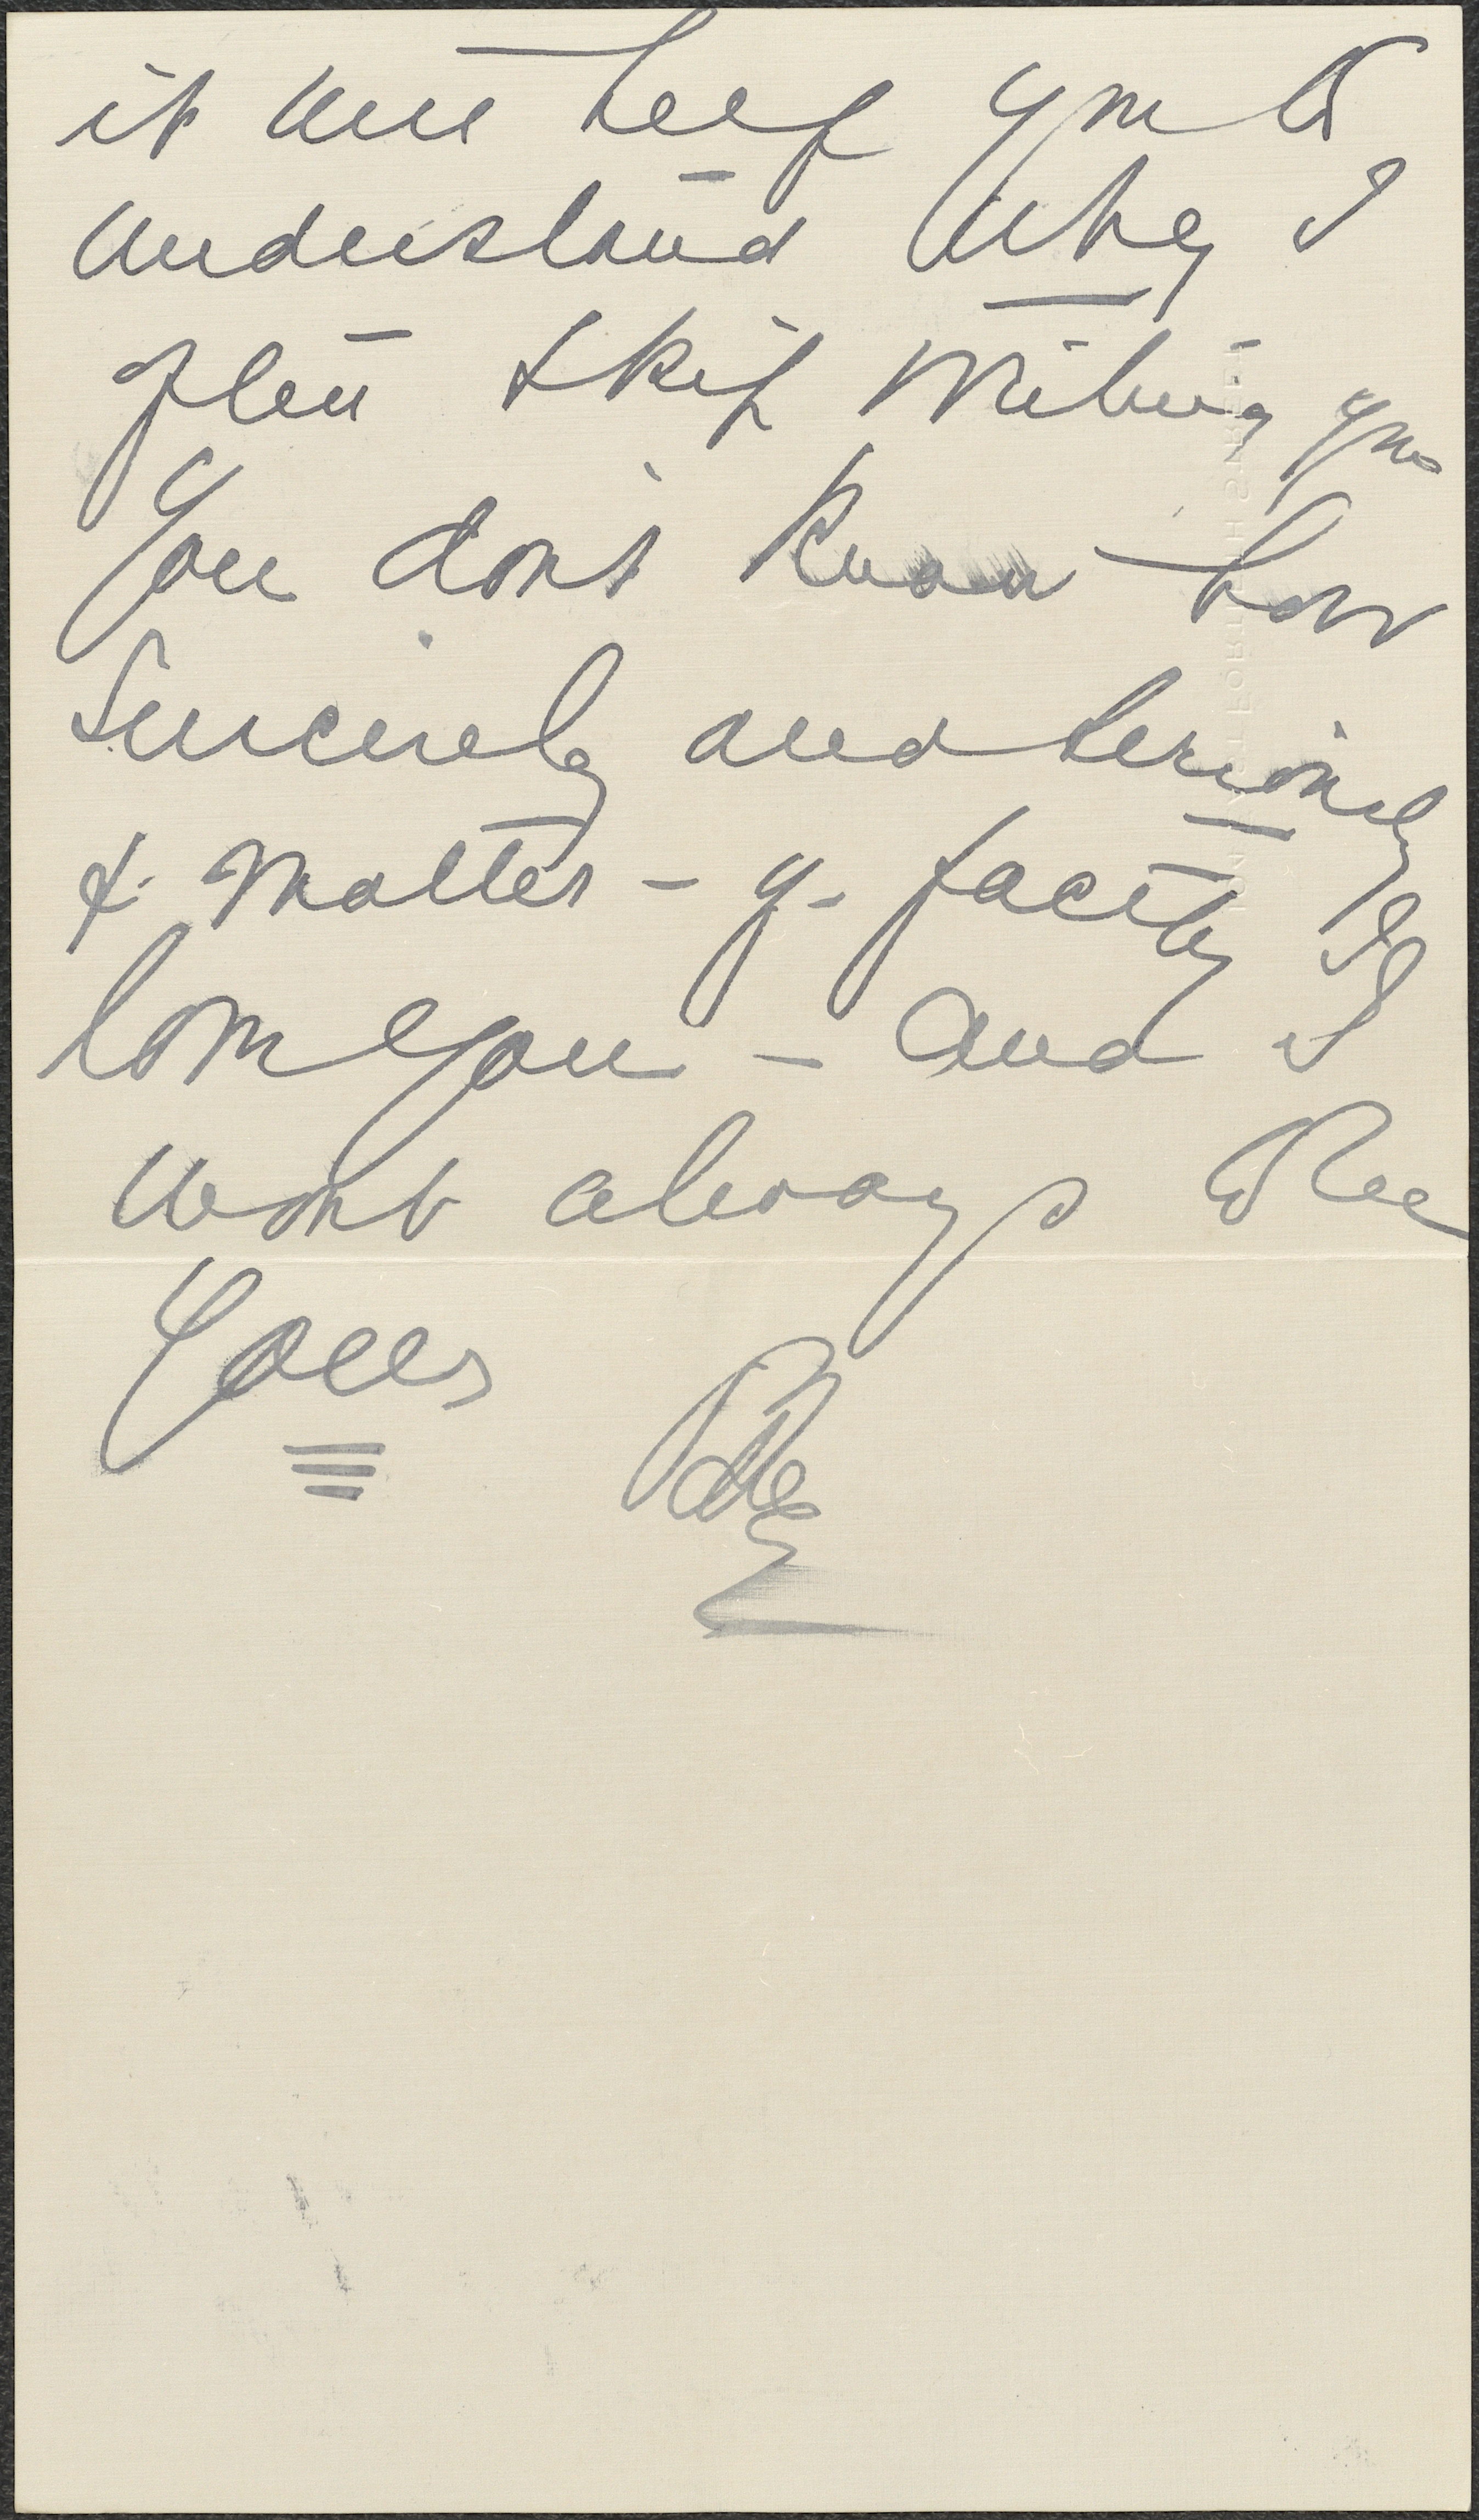it will help you to understand why I often skip writing you
You don’t know how sincerely and seriously & matter-of-factly I love you – and I want always to be [triple underlined: Yours]
Belle